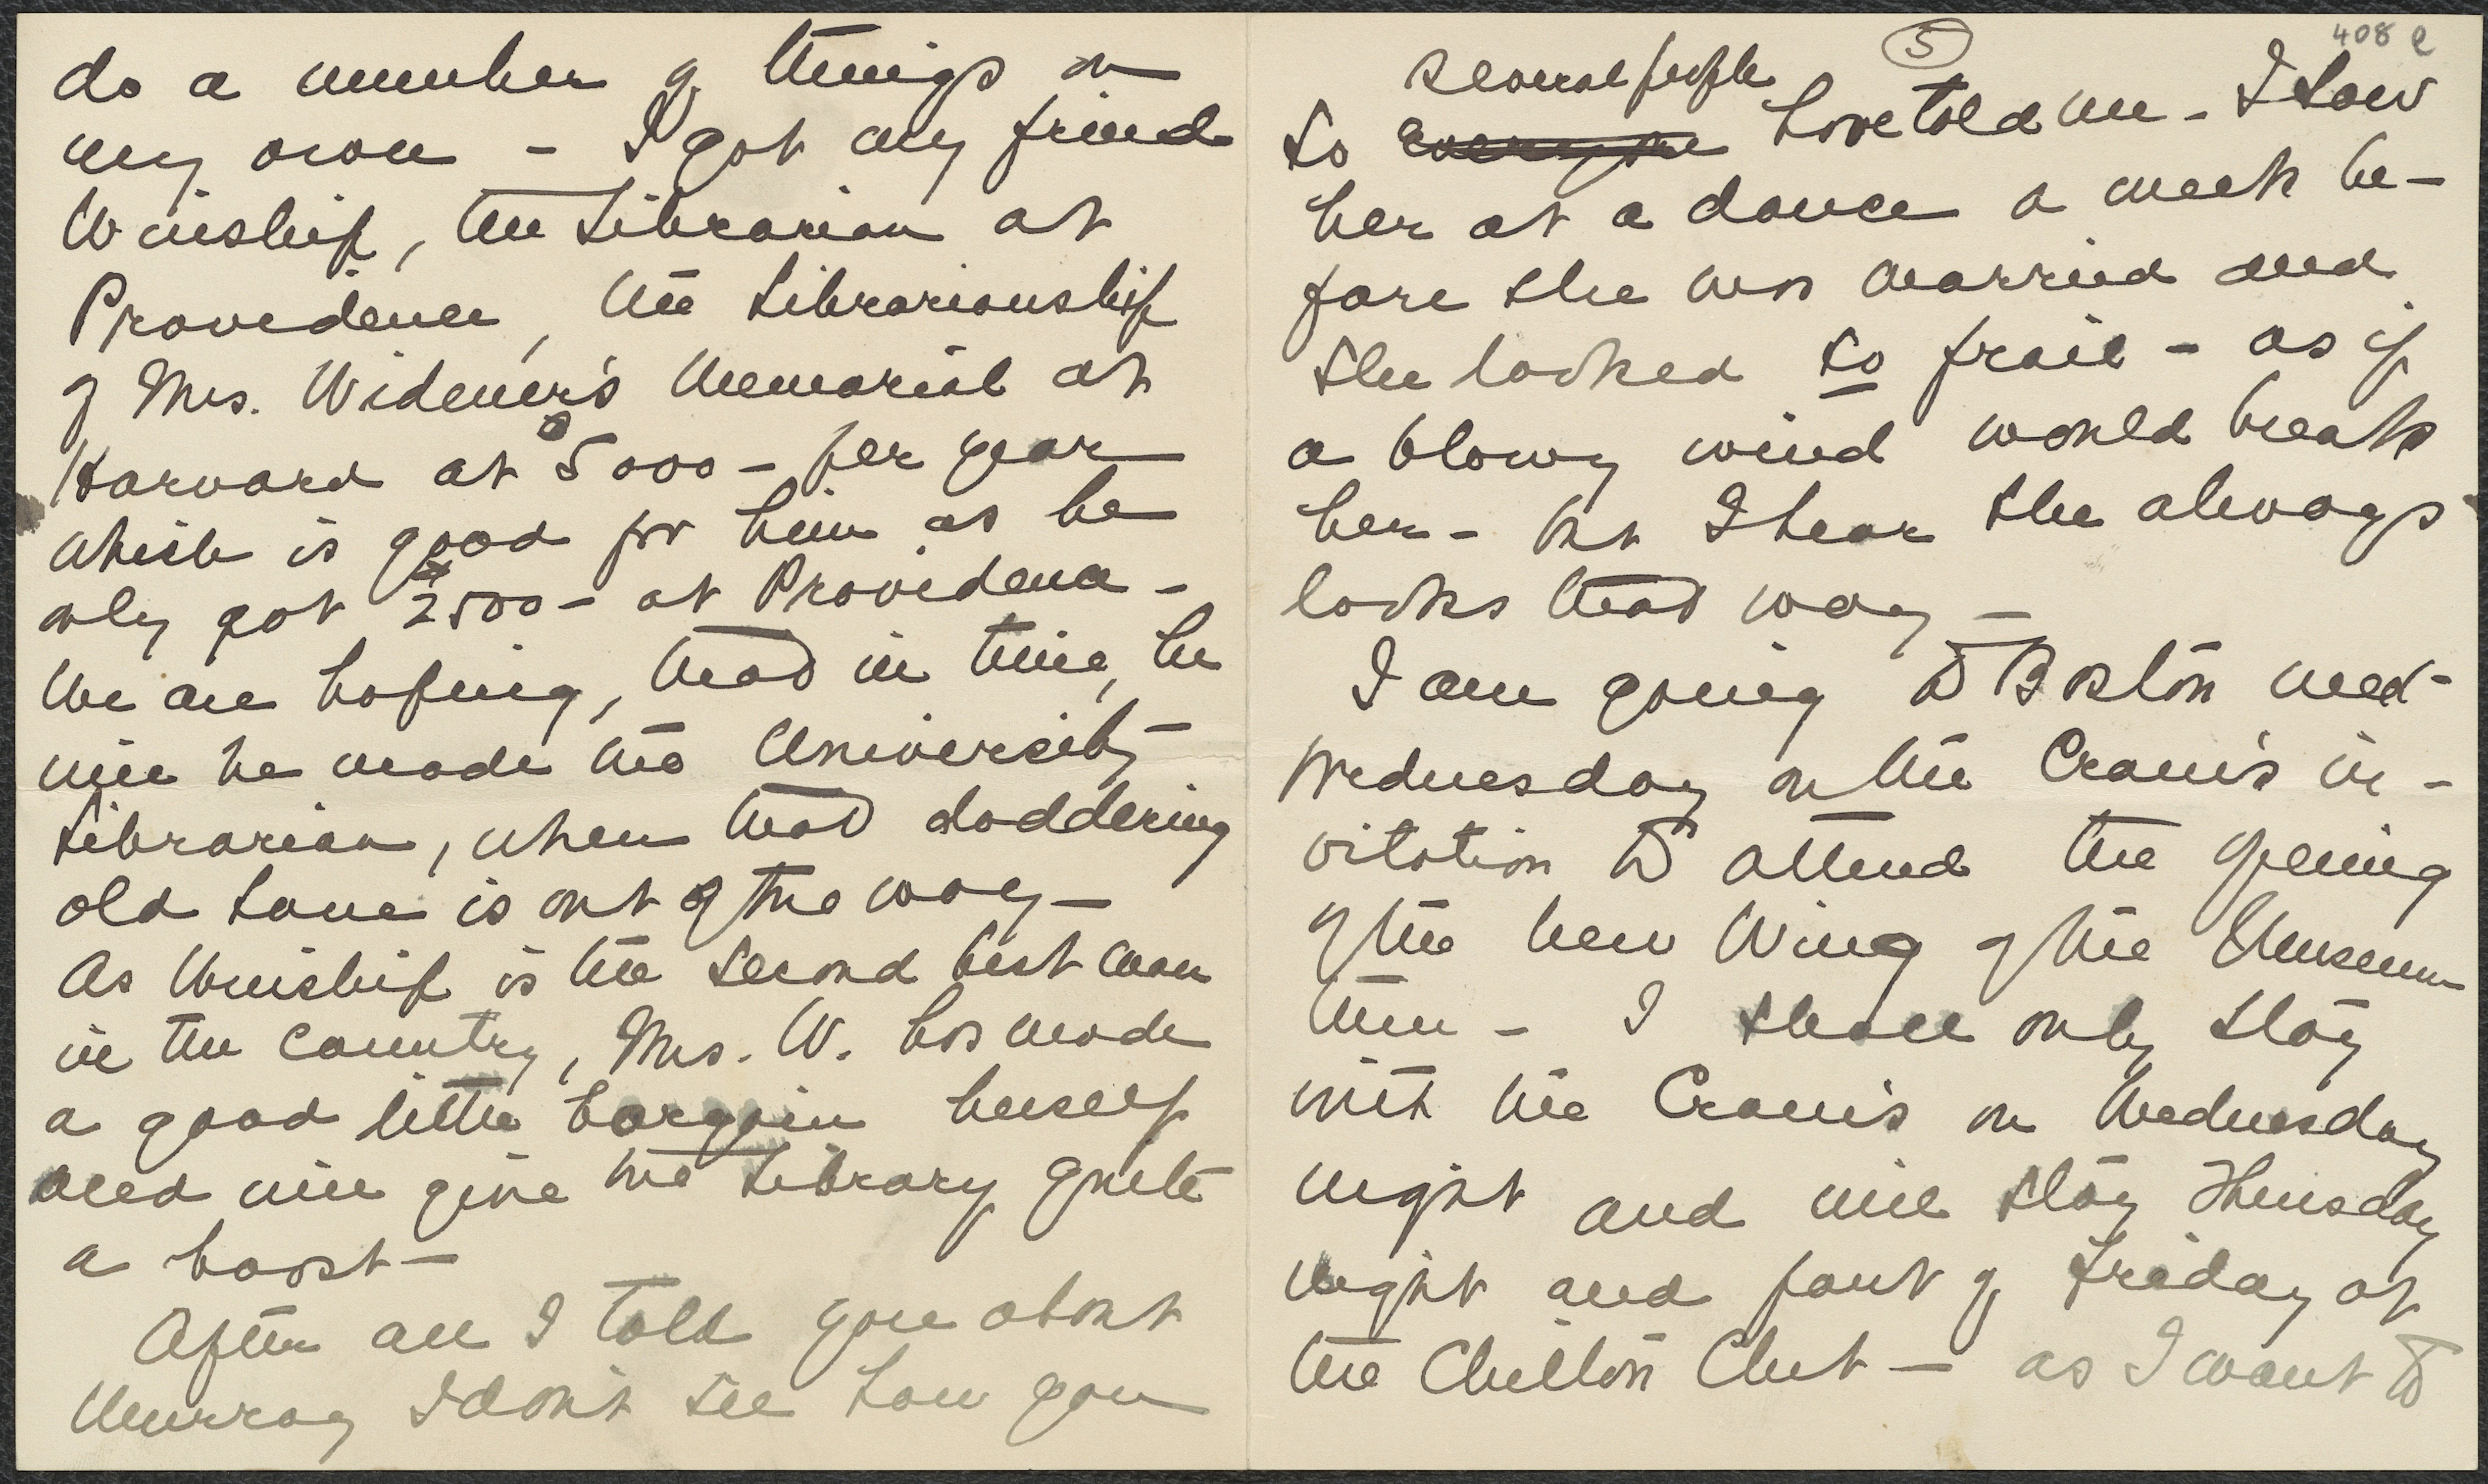so everyone [^several people^] have told me – I saw her at a dance a week before she was married and she looked so frail – as if a blowy wind would break her – but I hear she always looks that way –
I am going to Boston next Wednesday on the Cram’s invitation to attend the opening of the new wing of the museum there – I shall only stay with the Cram’s on Wednesday night and will stay Thursday and part of Friday at the Chilton Club – as I want
to do a number of things on my own – I got my friend Winship, the Librarian at Providence, the Librarianship of Mrs. Widener’s memorial at Harvard at $5000 – per year which is good for him as he only got $2500 – at Providence – We are hoping, that in time, he will he made the University Librarian, when that doddering old dame is out of the way – as Winship is the second best man in the country, Mrs. W. has made a good little bargain herself and will give the Library quite a boost –
After all I told you about Murray I don’t see how you